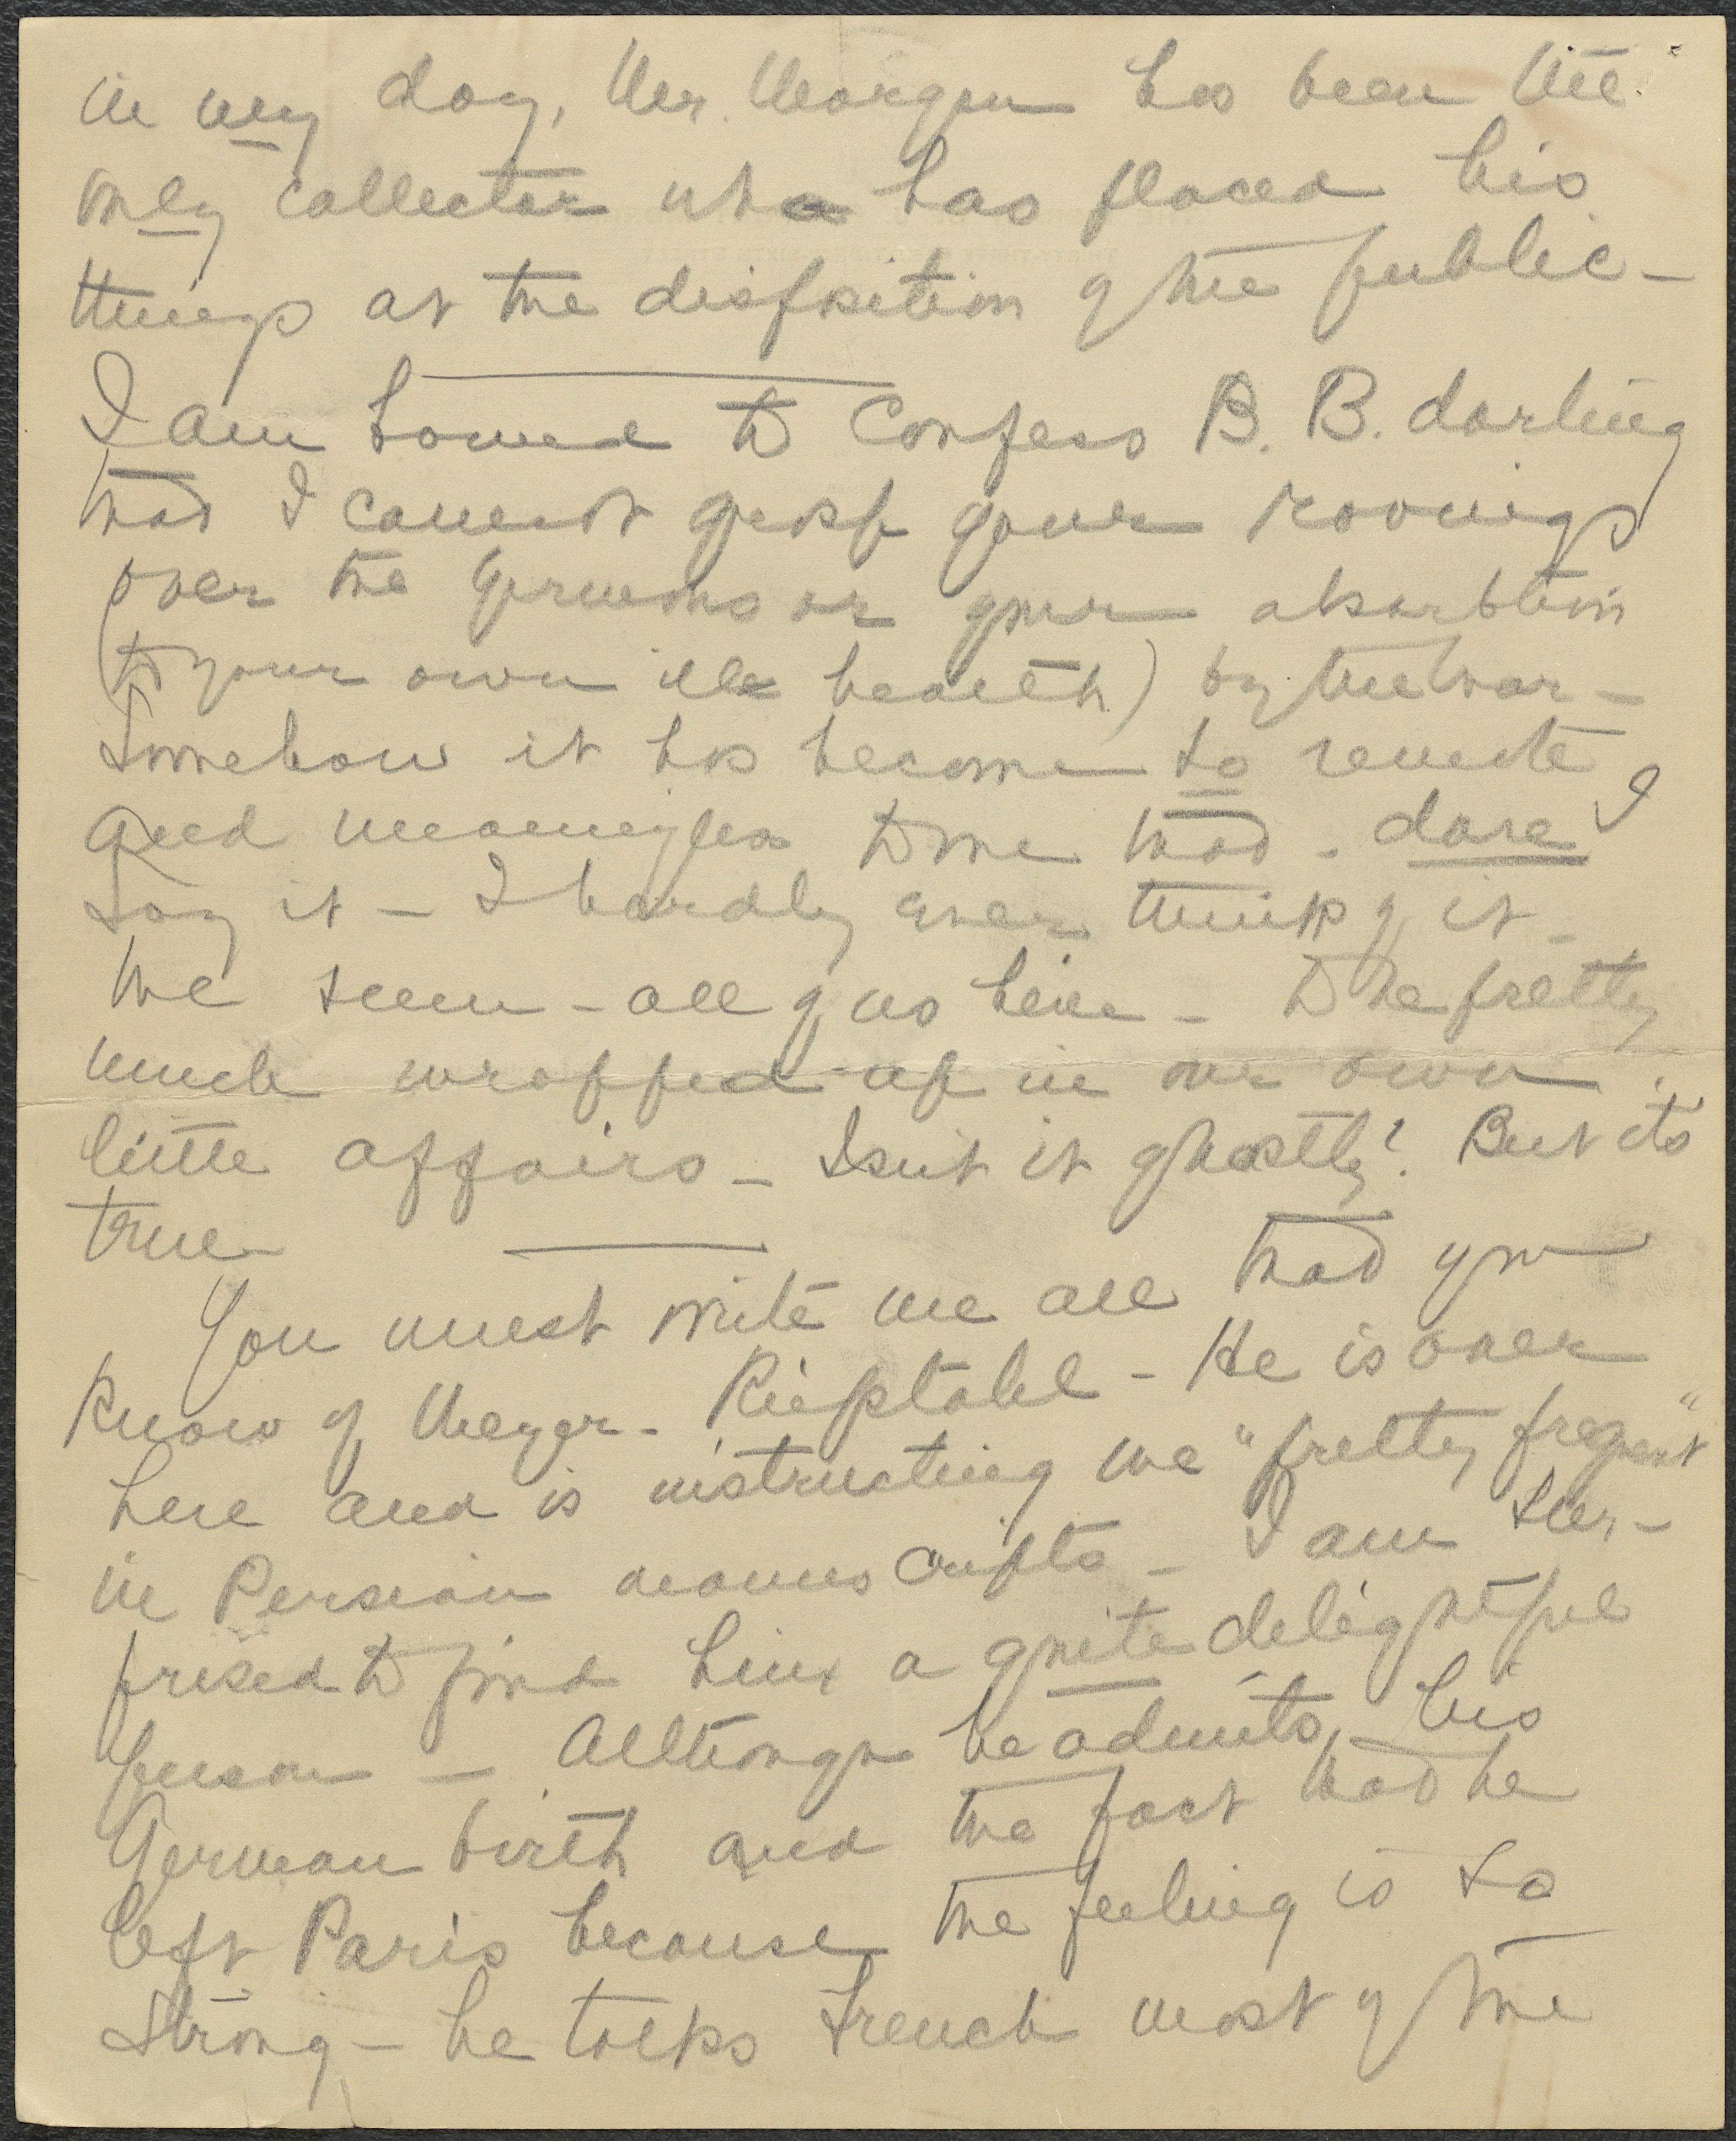in my day, Mr. Morgan has been the only collector who has placed his things at the disposition of the public
I am bound to confess B. B. darling that I cannot grasp your ravings over the Germans or your absorption (to your own ill health) by the war – Somehow it has become so remote and meaningless to me that – dare I say it – I hardly ever think it – we saw – all of us live – to the pretty much wrapped up in our own litter affairs – isn’t it ghastly! But it’s true –
You must write me all that you know of Meyer-Riefstahl – He is over here and is instructing me “pretty frequent” in Persian manuscripts – I am surprised to find him a quite delightful person – although he admits his German birth and the fact that he left Paris because the feeling is so strong – he talks French most of the